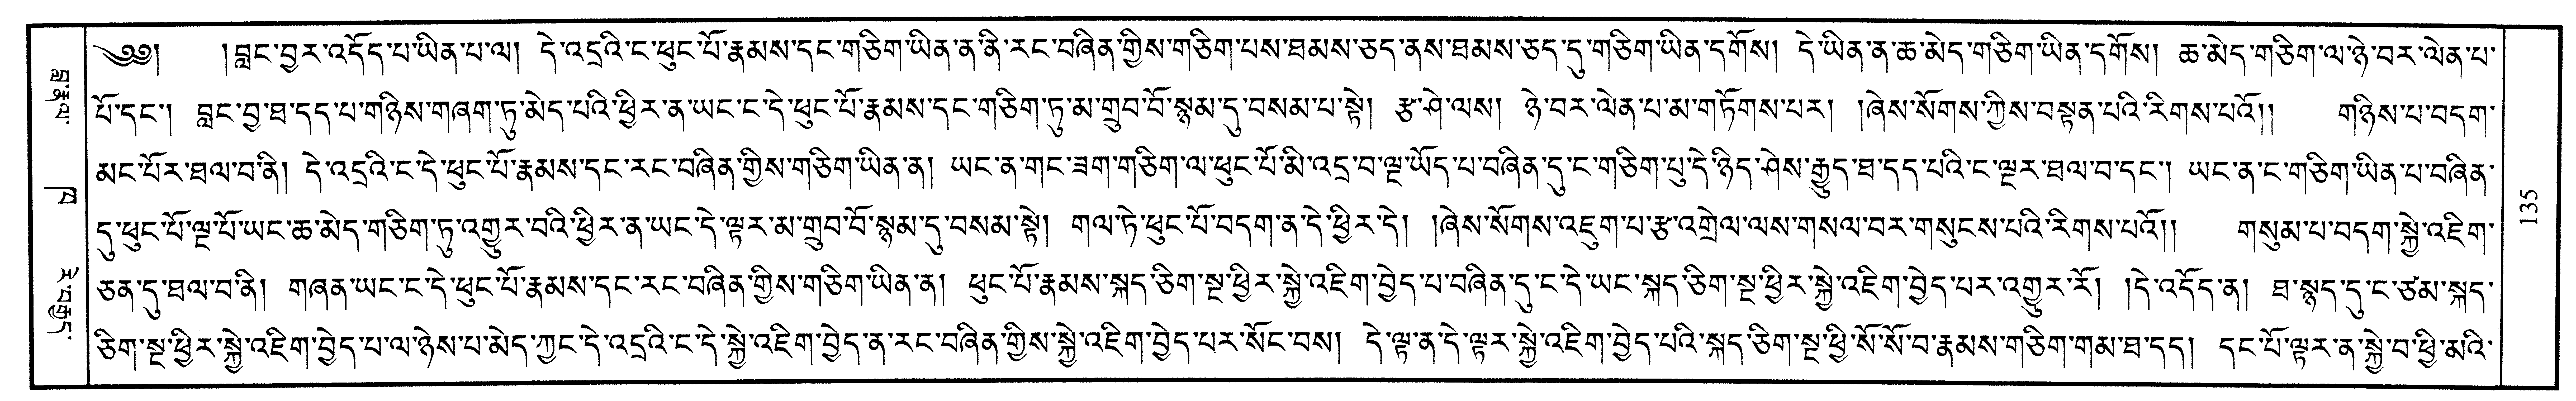༄༅། །བླང་བྱར་འདོད་པ་ཡིན་པ་ལ། དེ་འདྲའི་ང་ཕུང་པོ་རྣམས་དང་གཅིག་ཡིན་ན་ནི་རང་བཞིན་གྱིས་གཅིག་པས་ཐམས་ཅད་ནས་ཐམས་ཅད་དུ་གཅིག་ཡིན་དགོས། དེ་ཡིན་ན་ཆ་མེད་གཅིག་ཡིན་དགོས། ཆ་མེད་གཅིག་ལ་ཉེ་བར་ལེན་པ་
པོ་དང་། བླང་བྱ་ཐ་དད་པ་གཉིས་གཞག་ཏུ་མེད་པའི་ཕྱིར་ན་ཡང་ང་དེ་ཕུང་པོ་རྣམས་དང་གཅིག་ཏུ་མ་གྲུབ་བོ་སྙམ་དུ་བསམ་པ་སྟེ། རྩ་ཤེ་ལས། ཉེ་བར་ལེན་པ་མ་གཏོགས་པར། །ཞེས་སོགས་ཀྱིས་བསྟན་པའི་རིགས་པའོ།། གཉིས་པ་བདག་
མང་པོར་ཐལ་བ་ནི། དེ་འདྲའི་ང་དེ་ཕུང་པོ་རྣམས་དང་རང་བཞིན་གྱིས་གཅིག་ཡིན་ན། ཡང་ན་གང་ཟག་གཅིག་ལ་ཕུང་པོ་མི་འདྲ་བ་ལྔ་ཡོད་པ་བཞིན་དུ་ང་གཅིག་པུ་དེ་ཉིད་ཤེས་རྒྱུད་ཐ་དད་པའི་ང་ལྔར་ཐལ་བ་དང་། ཡང་ན་ང་གཅིག་ཡིན་པ་བཞིན་
དུ་ཕུང་པོ་ལྔ་པོ་ཡང་ཆ་མེད་གཅིག་ཏུ་འགྱུར་བའི་ཕྱིར་ན་ཡང་དེ་ལྟར་མ་གྲུབ་བོ་སྙམ་དུ་བསམ་སྟེ། གལ་ཏེ་ཕུང་པོ་བདག་ན་དེ་ཕྱིར་དེ། །ཞེས་སོགས་འཇུག་པ་རྩ་འགྲེལ་ལས་གསལ་བར་གསུངས་པའི་རིགས་པའོ།། གསུམ་པ་བདག་སྐྱེ་འཇིག་
ཅན་དུ་ཐལ་བ་ནི། གཞན་ཡང་ང་དེ་ཕུང་པོ་རྣམས་དང་རང་བཞིན་གྱིས་གཅིག་ཡིན་ན། ཕུང་པོ་རྣམས་སྐད་ཅིག་སྔ་ཕྱིར་སྐྱེ་འཇིག་བྱེད་པ་བཞིན་དུ་ང་དེ་ཡང་སྐད་ཅིག་སྔ་ཕྱིར་སྐྱེ་འཇིག་བྱེད་པར་འགྱུར་རོ། །དེ་འདོད་ན། ཐ་སྙད་དུ་ང་ཙམ་སྐད་
ཅིག་སྔ་ཕྱིར་སྐྱེ་འཇིག་བྱེད་པ་ལ་ཉེས་པ་མེད་ཀྱང་དེ་འདྲའི་ང་དེ་སྐྱེ་འཇིག་བྱེད་ན་རང་བཞིན་གྱིས་སྐྱེ་འཇིག་བྱེད་པར་སོང་བས། དེ་ལྟ་ན་དེ་ལྟར་སྐྱེ་འཇིག་བྱེད་པའི་སྐད་ཅིག་སྔ་ཕྱི་སོ་སོ་བ་རྣམས་གཅིག་གམ་ཐ་དད། དང་པོ་ལྟར་ན་སྐྱེ་བ་ཕྱི་མའི་